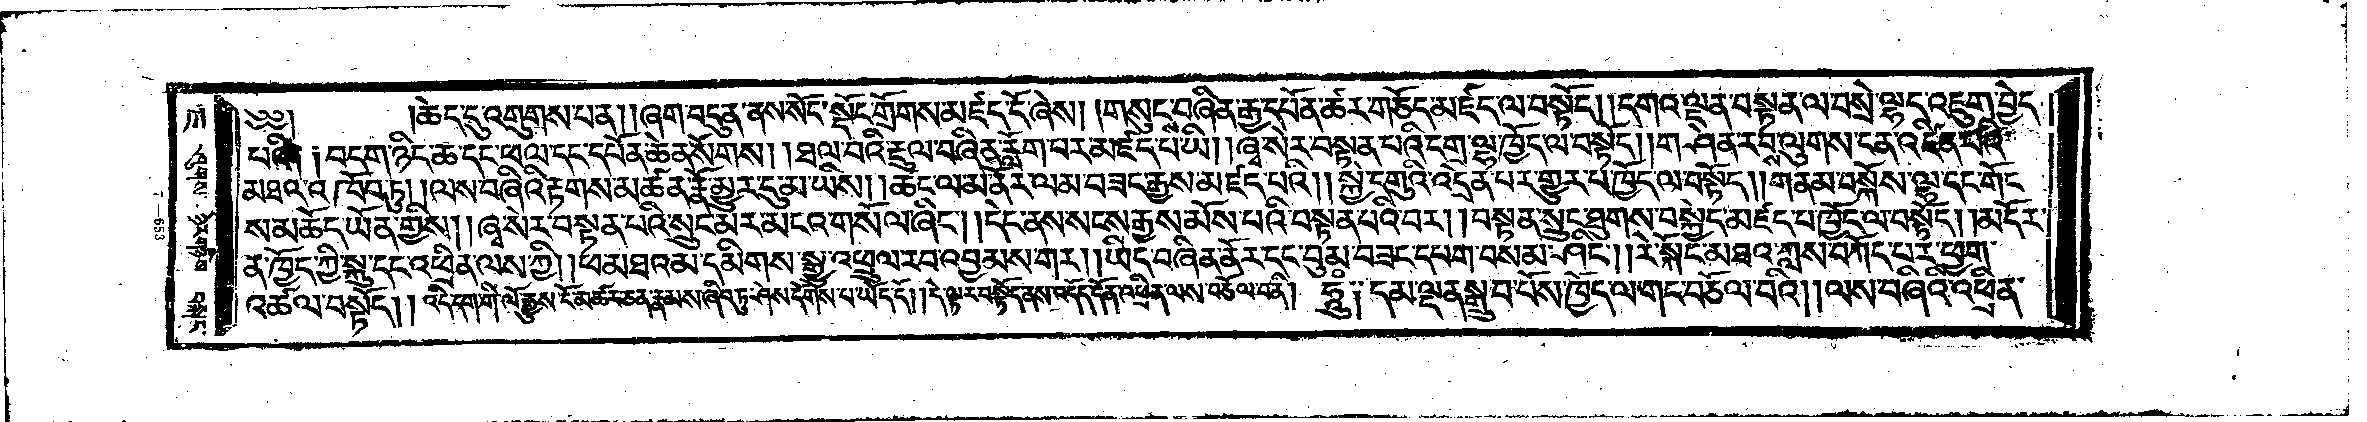༄༅། །ཆེད་དུ་འགུགས་པ་ན། །ཞག་བདུན་ནས་སོང་སྡོང་གྲོགས་མཛད་དོ་ཞེས། །གསུང་བཞིན་རྒྱ་དཔོན་ཚར་གཅོད་མཛད་ལ་བསྟོད། །དགའ་ལྡན་བསྟན་ལ་བསྲེ་ལྷད་འཇུག་བྱེད་
པའི༑ ༑བདག་ཉིད་ཆེ་དང་ཕལ་དང་དཔོན་ཆེན་སོགས། །ཐོལ་བའི་རྡུལ་བཞིན་རློག་པར་མཛད་པ་ཡི། །ཞྭ་སེར་བསྟན་པའི་དགྲ་ལྷ་ཁྱོད་ལ་བསྟོད། །གཤེན་རབས་ལུགས་ངན་འཛིན་པའི་
མཐའ་འཁོབ་ཏུ། །ལས་བཞིའི་རྟགས་མཚན་རྣོ་མྱུར་དུ་མ་ཡིས། །ཚང་ལ་མ་ནོར་ལམ་བཟང་རྒྱས་མཛད་པའི། །སྐྱེ་དགུའི་འདྲེན་པར་གྱུར་པ་ཁྱོད་ལ་བསྟོད། །གནམ་བསྐོས་ལྷ་དང་གོང་
ས་མཆོད་ཡོན་གྱིས། །ཞྭ་སེར་བསྟན་པའི་སྲུང་མར་མངའ་གསོལ་ཞིང་། །དེང་ནས་སངས་རྒྱས་མོས་པའི་བསྟན་པའི་བར། །བསྟན་སྲུངས་ཐུགས་བསྐྱེད་མཛད་པ་ཁྱོད་ལ་བསྟོད། །མདོར་
ན་ཁྱོད་ཀྱི་སྐུ་དང་འཕྲིན་ལས་ཀྱི། །ཕ་མཐའ་མ་དམིགས་སྒྱུ་འཕྲུལ་རབ་འབྱམས་གར། །ཡིད་བཞིན་ནོར་དང་བུམ་བཟང་དཔག་བསམ་ཤིང་། །རེ་སྐོང་མཐའ་ཀླས་བཀོད་པར་ཕྱག་
འཚལ་བསྟོད། །འདི་དག་གི་ལོ་རྒྱུས་ངོ་མཚར་ཅན་རྣམས་ཞིབ་ཏུ་ཤེས་དགོས་པ་ཡོད་དོ། །དེ་ལྟར་བསྟོད་ནས་འདོད་དོན་འཕྲིན་ལས་བཅོལ་བ་ནི།  ཧཱུཾ༑ དམ་ལྡན་སྒྲུབ་པོས་ཁྱོད་ལ་གང་བཅོལ་བའི། །ལས་བཞིའི་འཕྲིན་